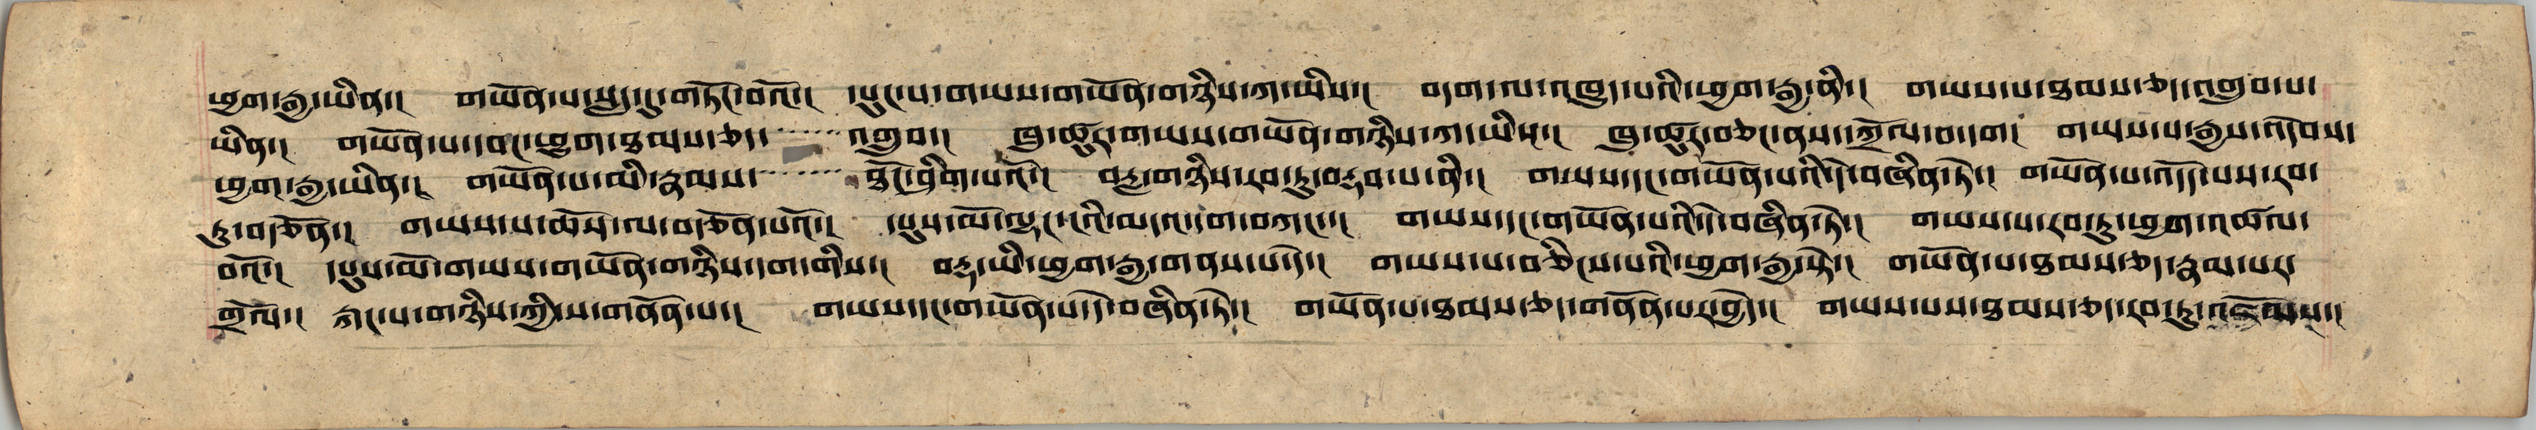ཕྱག་རྒྱ་ཡིན་། གཡོན་པ་སླད་དུ་གཏོང་བའོ་། དཔུང་པ་གཡས་གཡོན་གཉིས་ཀ་ཡིན་། བདག་ལ་འཁྱུད་པའི་ཕྱག་རྒྱ་ནི་། གཡས་པ་ཐམས་ཅད་འགྲུབ་པ་
ཡིན་། གཡོན་པ་དབང་ཕྱུག་ཐམས་ཅད་ འགྲུབ་། ཁུ་ཚུར་གཡས་གཡོན་གཉིས་ཀ་ཡིས་། ཁུ་ཚུར་བཅང་ནས་དཀྲོལ་བ་དག། གཡས་པ་རྒྱས་འདེབས་
ཕྱག་རྒྱ་ཡིན་། གཡོན་པ་མི་རྣམས་ ཐོང་ཤིག་པའོ་། བརླ་གཉིས་རབ་ཏུ་བརྡབ་པ་ནི་། གཡས་དང་གཡོན་པའི་དེ་བཞིན་ཏེ་། གཡོན་པ་འདོད་པས་རབ་
ཏུ་བརྩོན་། གཡས་པ་ཆོས་ལ་བརྩོན་པའོ་། དཔུས་མོ་ལྷང་ངའི་མདའ་དག་བཀང་་། གཡས་དང་གཡོན་པའི་དེ་བཞིན་ཏེ་། གཡས་པ་རབ་ཏུ་ཕྱག་འཚལ་
བའོ་། དཔུས་མོ་གཡས་གཡོན་གཉིས་དག་གིས་། བརྡ་ཡི་ཕྱག་རྒྱ་གནས་པ་དེ་། གཡས་པ་བཅིངས་པའི་ཕྱག་རྒྱ་སྟེ་། གཡོན་པ་ཐམས་ཅད་རྣམ་པར་
གྲོལ་།། རྐང་པ་གཉིས་ཀྱི་ས་གནོན་པ་། གཡས་དང་གཡོན་པ་དེ་བཞིན་ཏེ་། གཡོན་པ་ཐམས་ཅད་གནོན་པར་བྱེད་། གཡས་པས་ཐམས་ཅད་རབ་ཏུ་འཇོམས་།